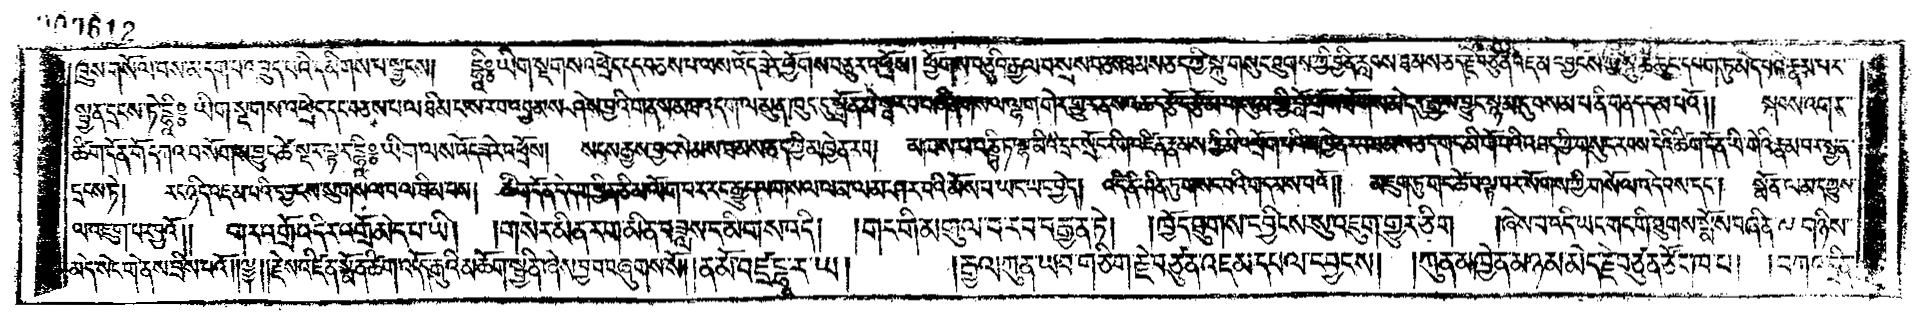ཁྲུས་གསོལ་བས་མ་དག་པ་འཁྲུད་པའི་དམིགས་པ་སྦྱངས། དྷཱིཿ ཡིག་སྔགས་འཕྲེང་དང་བཅས་པ་ལས་འོད་ཟེར་ཕྱོགས་བཅུར་འཕྲོས། ཕྱོགས་བཅུའི་རྒྱལ་བ་སྲས་བཅས་ཐམས་ཅད་ཀྱི་སྐུ་གསུང་ཐུགས་ཀྱི་བྱིན་རླབས་ཐམས་ཅད་རྗེ་བཙུན་འཇམ་དབྱངས་ཀྱི་སྐུ་ཆེ་ཆུང་དཔག་ཏུ་མེད་པའི་རྣམ་པར་
སྤྱན་དྲངས་ཏེ་དྷཱིཿ ཡིག་སྔགས་འཕྲེང་དང་བཅས་པ་ལ་ཐིམ་པས་རབ་འབྱམས་ཤེས་བྱའི་གནས་མཐའ་དག་ལ་མུན་ཁུང་དུ་སྒྲོན་མེ་སྦར་བ་བཞིན་གསལ་ལྷག་གེར་གྱུར་ནས་འཆད་རྩོད་རྩོམ་གསུམ་གྱི་བློ་གྲོས་ཐོགས་མེད་དུ་རྒྱས་བྱུང་སྙམ་དུ་བསམ་པ་ནི་གནད་དམ་པའོ། །སྐབས་འགར་
ཚིག་དོན་གོ་དཀའ་བ་སོགས་བྱུང་ཚེ་སྔར་ལྟར་དྷཱིཿ ཡིག་ལས་འོད་ཟེར་འཕྲོས། སངས་རྒྱས་བྱང་སེམས་ཐམས་ཅད་ཀྱི་མཁྱེན་རབ། མཁས་པ་པཎྚི་ཏ་ལྷ་མིའི་དྲང་སྲོང་རིག་འཛིན་རྣམས་ཀྱི་མི་འཕྲོག་པའི་མཁྱེན་རབ་ཐམས་ཅད་གང་མི་གོ་བའི་འཐད་ཀྱི་གསུང་རབས་དེའི་ཚིག་དོན་ཡི་གེའི་རྣམ་པར་སྤྱན་
དྲངས་ཏེ། རང་ཉིད་འཇམ་པའི་དབྱངས་སུ་གསལ་བ་ལ་ཐིམ་པས། ཚིག་དོན་དེ་དག་ཕྱིན་ཅི་མ་ལོག་པར་རང་རྒྱུད་ལ་གསལ་ལམ་ལམ་ཤར་བའི་མོས་པ་ཡང་ཡང་བྱེད། འདི་ནི་ཤིན་ཏུ་གསང་བའི་གདམས་པའོ། །མཇུག་ཏུ་གང་ཚེ་བལྟ་བར་སོགས་ཀྱི་གསོལ་འདེབས་དང་། སྨོན་ལམ་དཀྱུས་
ལ་འཇུག་པར་བྱའོ།། གར་འགྲོ་འདིར་འགྲོ་མེད་པ་ཡི། །གསེར་མིན་རག་མིན་བཟླས་དམིགས་འདི། །གང་གི་མགུལ་བ་རབ་བརྒྱན་ཏེ། །ཁྱོད་ཐུགས་དབྱིངས་སུ་འཇུག་གྱུར་ཅིག །ཞེས་པ་འདི་ཡང་གང་གི་ཐུགས་སྨོས་བཞིན་༧་གཉིས་
མེད་སེང་གེ་ནས་བྲིས་པའོ།། ༈ །།རྗེས་འཛིན་སྨོན་ཚིག་འདོད་རྒུའི་མཆོག་སྦྱིན་ཞེས་བྱ་བ་བཞུགས་སོ། །ན་མོ་བཛྲ་དྷཱ་ར་ཡ། །རྒྱལ་ཀུན་ཡབ་གཅིག་རྗེ་བཙུན་འཇམ་དཔལ་དབྱངས། །ཀུན་མཁྱེན་མཉམ་མེད་རྗེ་བཙུན་ཙོང་ཁ་པ། །བཀའ་དྲིན་